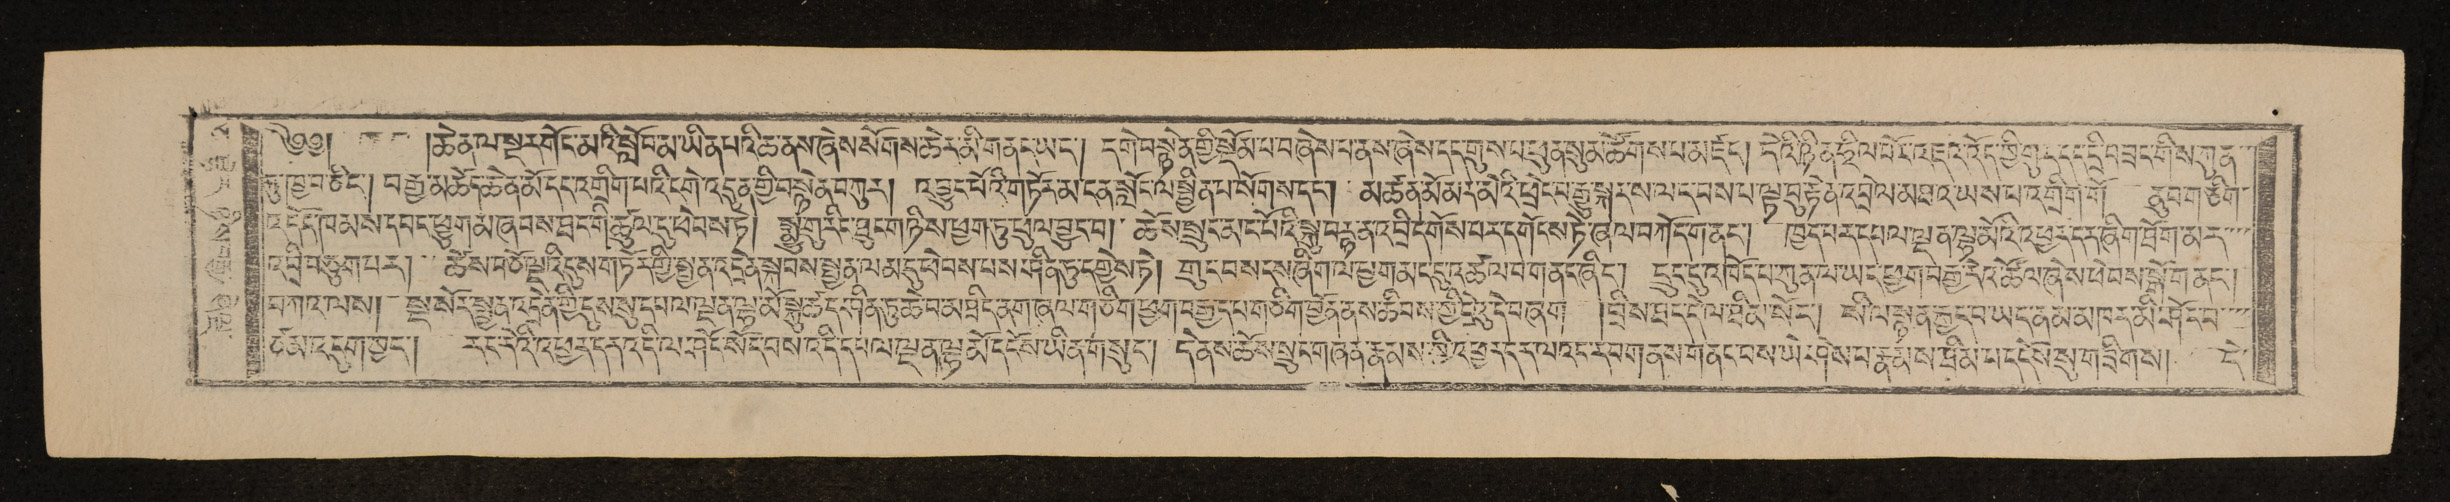༄༅། །ཆེན་ལ་སྔར་གོང་མའི་སློབ་མ་ཡིན་པའི་ཆ་ནས་ཞེས་སོགས་ཆེར་མི་གནང་ཡང་། དགེ་བསྙེན་གྱི་སྡོམ་པ་བཞེས་པ་ནས་ཞེས་དང་གུས་པ་ཕུན་སུམ་ཚོགས་པ་མཛད། དེའི་ཉིན་ཧྲིལ་བོར་འཇའ་འོད་ཀྱི་གུར་དང་དྲི་བཟང་གི་ཀུན་
ཏུ་ཁྱབ་ཅིང་། བརྒྱ་མཆོད་ཆེན་མོ་དང་འགྲིག་པའི་དགེ་འདུན་གྱི་བསྙེན་བཀུར། འབྱུང་པོའི་གཏོར་མ་ངན་སློང་ལ་སྦྱིན་པ་སོགས་དང་། མཚན་མོ་མར་མེའི་ཕྲེང་བ་རྒྱུ་སྐར་ས་ལ་རབས་པ་ལྟ་བུ་རྟེན་འབྲེལ་མཐའ་ཡས་པའི་འགྲིག་གོ །ནུབ་གཅིག་
འདོད་ཁམས་དབང་ཕྱུག་མ་ཞབས་ཐང་གི་ཚུལ་དུ་ཕེབས་ཏེ། སྨྱུ་གུ་རིང་ཐུང་གཉིས་ཕྱག་ཏུ་ཕུལ་བྱུང་བ། ཆོས་སྲུང་མང་པོའི་སྐུ་བརྙན་འབྲི་དགོས་པར་དགོངས་ཏེ་ཞལ་བཀོད་གནང་། ཁྱད་པར་དཔལ་ལྡན་ལྷ་མོའི་འཕྱར་དར་ཞིག་ཐོག་མར་
འབྲི་བཅུག་པར། ཚེས་བཅོ་ལྔའི་དུས་གཏོར་གྱི་སྤྱན་འདྲེན་སྐྱབས་སྤྱན་ལམ་དུ་ཕེབས་པས་ཤིན་ཏུ་དགྱེས་ཏེ། གུང་བསངས་ཞིག་ལ་ཕྱག་མང་དུ་འཚལ་བ་གནང་ཞིང་། དྲུང་དུ་འཁོད་པ་ཀུན་ལ་ཡང་ཕྱག་བརྒྱ་རེ་འཚོལ་ཞེས་ཕེབས་སྒོ་གནང་།
བཀའ་ལས། སྔ་སོར་སྤྱན་འདྲེན་གྱི་དུས་སུ་དཔལ་ལྡན་ལྷ་མོ་སྐུ་ཚད་ཤིན་ཏུ་ཆེ་བ་མཐིང་ནག་ཞལ་གཅིག་ཕྱག་བརྒྱད་པ་གཅིག་བྱོན་ནས་ཆིབས་ཀྱི་དྲེའུ་དེ་བཞག །བྲིས་ཐང་དེ་ལ་ཐིམ་སོང་། སིལ་སྙན་རྐྱང་བ་ཡང་ནམ་མཁར་མི་ཤོང་བ་
ཙམ་འདུག་ཀྱང་། རང་རེའི་འཕྱར་དར་འདི་ལ་ཤོང་སོང་བས་འདི་དཔལ་ལྡན་ལྷ་མོ་དངོས་ཡིན་གསུང་། དེ་ནས་ཆོས་སྲུང་གཞན་རྣམས་ཀྱི་འཕྱར་དར་ལའང་རབ་གནས་གནང་བས་ཡེ་ཤེས་པ་རྣམས་ཐིམ་པ་དངོས་སུ་གཟིགས། དེ་